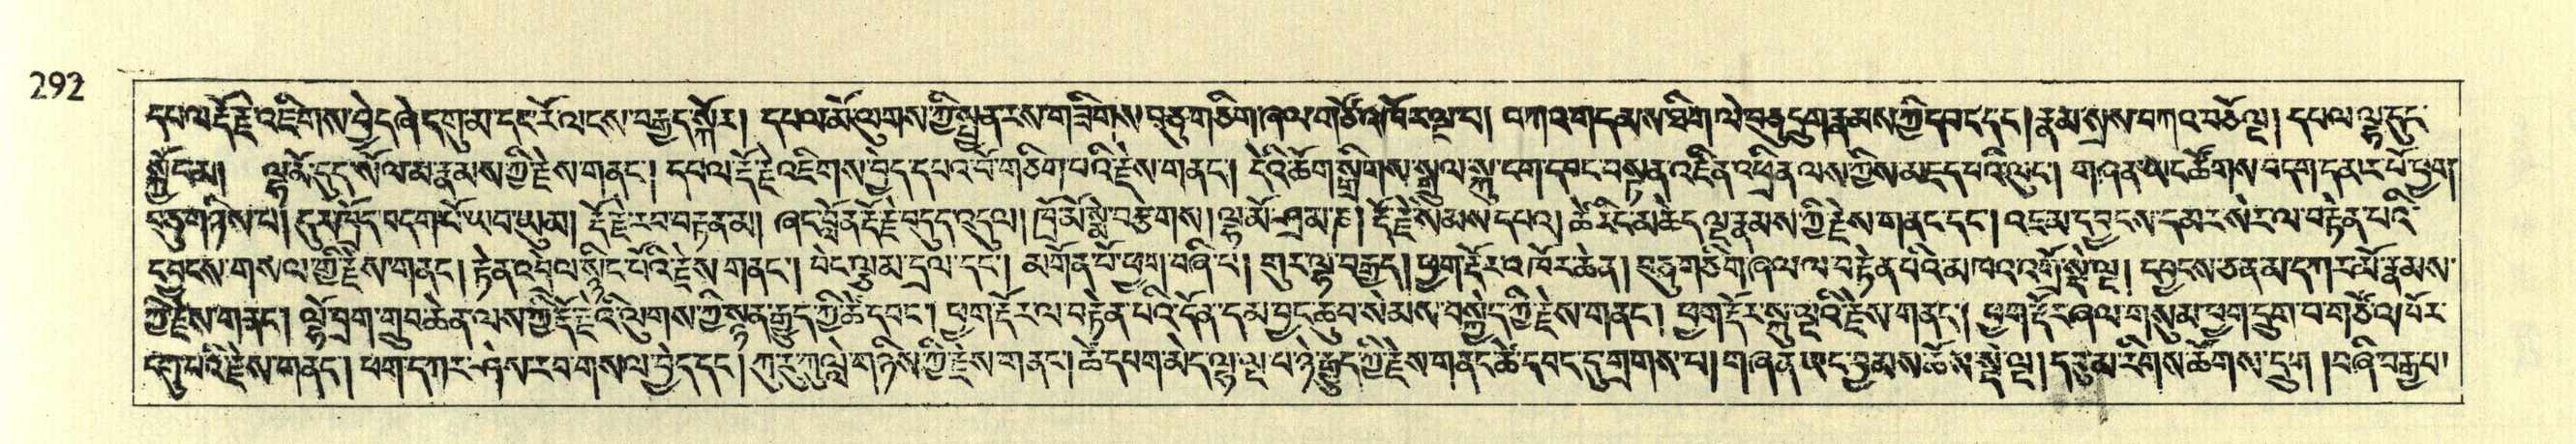དཔལ་རྡོ་རྗེ་འཇིགས་བྱེད་ཞེད་གུ་མ་དང་རོ་ལངས་བརྒྱད་སྐོར། དཔལ་མོ་ལུགས་ཀྱི་སྤྱན་རས་གཟིགས་བཅུ་གཅིག་ཞལ་གཙོ་འཁོར་ལྔ་པ། བཀའ་གདམས་ཐིག་ལེ་བཅུ་དྲུག་རྣམས་ཀྱི་དབང་དང་། རྣམ་སྲས་བཀའ་བཅོ་ལྔ། དཔལ་ལྷ་དུང་
སྐྱོང་མ། ལྷ་མོ་དུད་སོལ་མ་རྣམས་ཀྱི་རྗེས་གནང་། དཔལ་རྡོ་རྗེ་འཇིགས་བྱེད་དཔའ་བོ་གཅིག་པའི་རྗེས་གནང་། དེའི་ཆོག་སྒྲིགས་སྒྲུལ་སྐུ་ངག་དབང་བསྟན་འཛིན་འཕྲིན་ལས་ཀྱིས་མཇད་པའི་ལུང་། གཞན་ཡང་ཚོགས་བདག་དམར་པོ་ཕྱག་
བཅུ་གཉིས་པ། དུར་ཁྲོད་བདག་པོ་ཡབ་ཡུམ། རྡོ་རྗེ་རབ་བརྟན་མ། ཞང་བློན་རྡོ་རྗེ་བདུད་འདུལ། ཁྲོ་མོ་སྨེ་བརྩགས། ལྷ་མོ་ཤྲ་མ་ཎ། རྡོ་རྗེ་སེམས་དཔའ། ཚེ་རིང་མཆེད་ལྔ་རྣམས་ཀྱི་རྗེས་གནང་དང་། འཇམ་དབྱངས་དམར་སེར་ལ་བརྟེན་པའི་
དབྱངས་གསལ་གྱི་རྗེས་གནང་། རྟེན་འབྲེལ་སྙིང་པོའི་རྗེས་གནང་། བེང་ལྕམ་དྲལ་དང་། མགོན་པོ་ཕྱག་བཞི་པ། གུར་ལྷ་བརྒྱད། ཕྱག་རྡོར་འཁོར་ཆེན། བཅུ་གཅིག་ཞལ་ལ་བརྟེན་པའི་མཁའ་འགྲོ་སྡེ་ལྔ། དབྱངས་ཅན་མ་དཀར་མོ་རྣམས་
ཀྱི་རྫས་གནང་། ལྷོ་བྲག་གྲུབ་ཆེན་ལས་ཀྱི་རྡོ་རྗེའི་ལུགས་ཀྱི་སྙན་རྒྱུད་ཀྱི་ཚེ་དབང་། ཕྱག་རྡོར་ལ་བརྟེན་པའི་དོན་དམ་བྱང་ཆུབ་སེམས་བསྐྱེད་ཀྱི་རྗེས་གནང་། ཕྱག་རྡོར་སྐུ་ལྔའི་རྗེས་གནང་། ཕྱག་རྡོར་ཞལ་གསུམ་ཕྱག་དྲུག་པ་གཙོ་འཁོར་
དགུ་པའི་རྗེས་གནང་། ཕག་དཀར་ཤེས་རབ་གསལ་བྱེད་དང་། ཀུ་རུ་ཀུལླེ་གཉིས་ཀྱི་རྗེས་གནང་། ཚེ་དཔག་མེད་ལྷ་ལྔ་པ་ཉེ་རྒྱུད་ཀྱི་རྗེས་གནང་ཚེ་དབང་དུ་གྲགས་པ། གཞན་ཡང་བྱམས་ཆོས་སྡེ་ལྔ། དཱུ་མ་རིགས་ཚོགས་དྲུག །བཞི་བརྒྱ་པ།